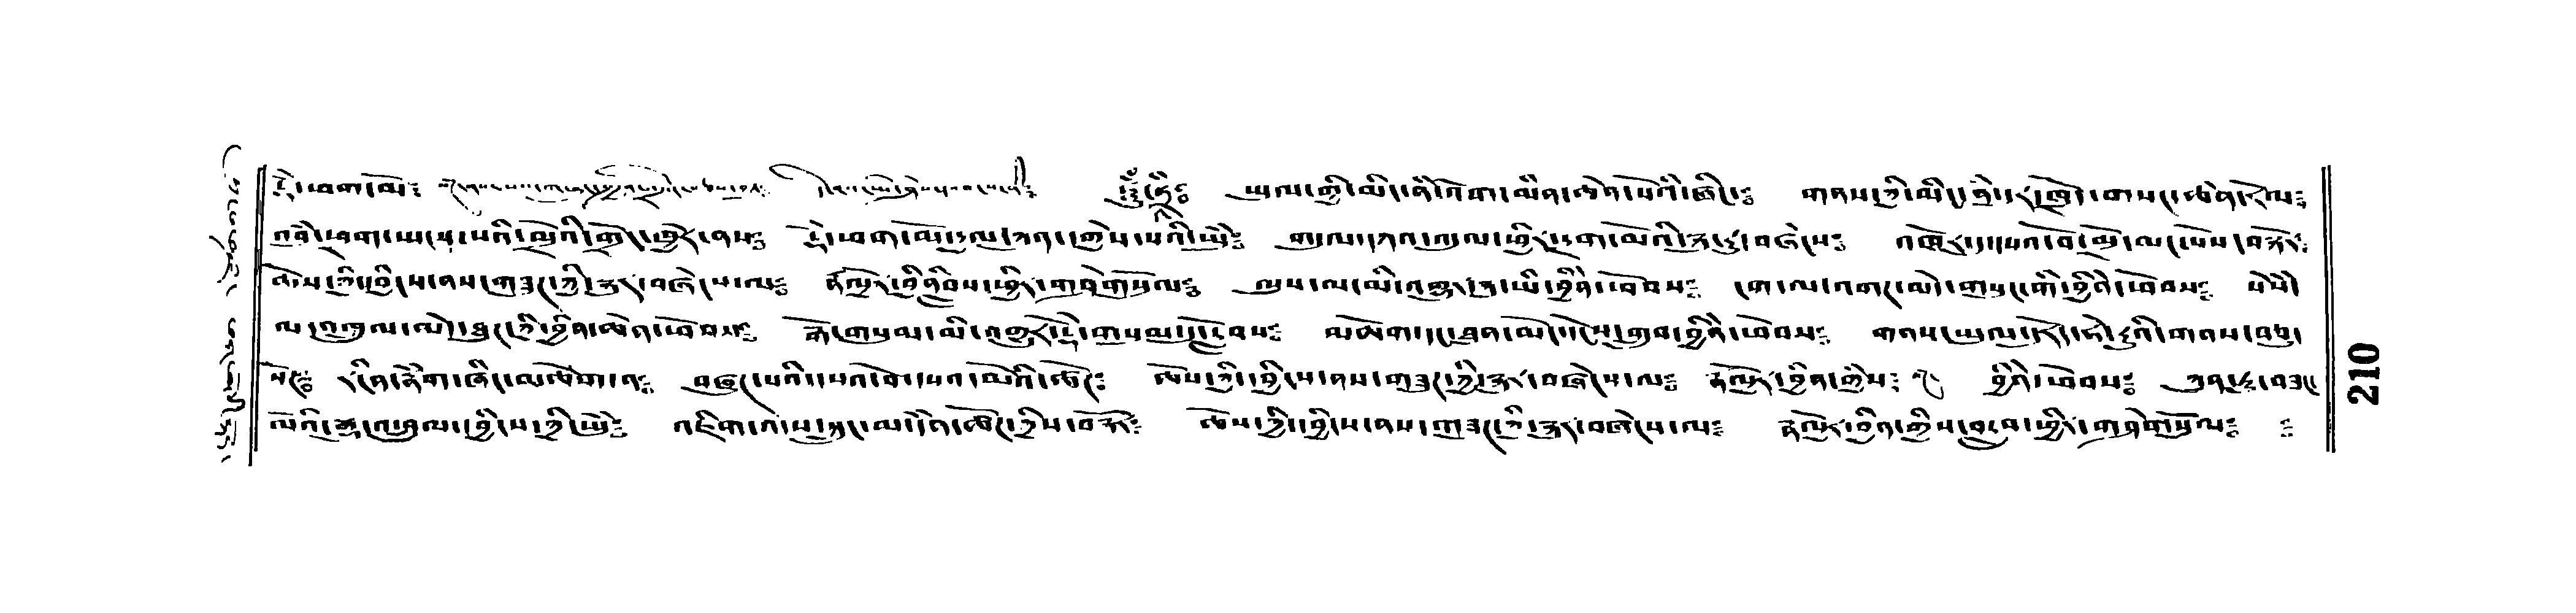རྡོ་རྗེ་ཕག་མོ་སོགས་ནས་ལས་གཞུང་སྤྱན་འདྲེན་བཅས་བྱ༔ དེ་ནས་ཡེ་ཤེས་དབབ་པ་ནི༔ ཧཱུྃ་ཧྲཱིཿ ཡུལ་གྱི་མིང་ནི་འོག་མིན་ཆེན་པོའི་ཞིང༔ གནས་ཀྱི་མིང་ནི་དུར་ཁྲོད་གསང་ཆེན་རོལ༔ 
འབུམ་ཕྲག་ཡངས་པའི་མཁའ་འགྲོའི་གྲོང་ཁྱེར་ནས༔ རྡོ་རྗེ་ཕག་མོ་རྒྱལ་ཀུན་དགྱེས་པའི་ཡུམ༔ གདུལ་དཀའ་འདུལ་ཕྱིར་དྲག་མོའི་སྐུ་རུ་བཞེངས༔ འཁོར་དུ་དཔའ་བོ་མཁའ་འགྲོ་མང་པོས་བསྐོར༔ 
ཆོས་ཀྱི་དབྱིངས་ནས་གཟུགས་ཀྱི་སྐུར་བཞེངས་ལ༔ རྣལ་འབྱོར་བྱིན་གྱིས་བརླབ་ཕྱིར་གཤེགས་སུ་གསོལ༔ ལུས་ལ་མི་འགྱུར་སྐུ་ཡི་བྱིན་ཆེན་ཕོབས༔ ངག་ལ་འགགས་མེད་གསུང་གི་བྱིན་ཆེན་ཕོབས༔ སེམས་
ལ་འཁྲུལ་མེད་ཐུགས་ཀྱི་བྱིན་ཆེན་ཕོབས༔ སྒོ་གསུམ་མི་འགྱུར་རྡོ་རྗེ་གསུམ་དུ་རློབས༔ མཆོག་དང་ཐུན་མོང་དངོས་གྲུབ་བྱིན་ཆེན་ཕོབས༔ གནས་ཡུལ་དུར་ཁྲོད་ཧེ་རུའི་གནས་བཅུ་
སོགས༔ རང་བཞིན་རྣམ་དག་ཞིང་མཆོག་ན༔ བཞུགས་པའི་དཔའ་བོ་དཔའ་མོའི་ཚོགས༔ ཆོས་ཀྱི་དབྱིངས་ནས་གཟུགས་ཀྱི་སྐུར་བཞེངས་ལ༔ རྣལ་འབྱོར་བྱིན་གྱིས་སོགས༔ བྱིན་ཆེན་ཕོབས༔ ཀུན་ཏུ་བཟང་
མོའི་སྒྱུ་འཕྲུལ་དབྱིངས་ཀྱི་ཡུམ༔ འཇིག་འདས་སྲུང་མ་དམ་ཅན་ཚོགས་ཀྱིས་བསྐོར༔ ཆོས་ཀྱི་དབྱིངས་ནས་གཟུགས་ཀྱི་སྐུར་བཞེངས་ལ༔ རྣལ་འབྱོར་བྱིན་གྱིས་བརླབ་ཕྱིར་གཤེགས་སུ་གསོལ༔